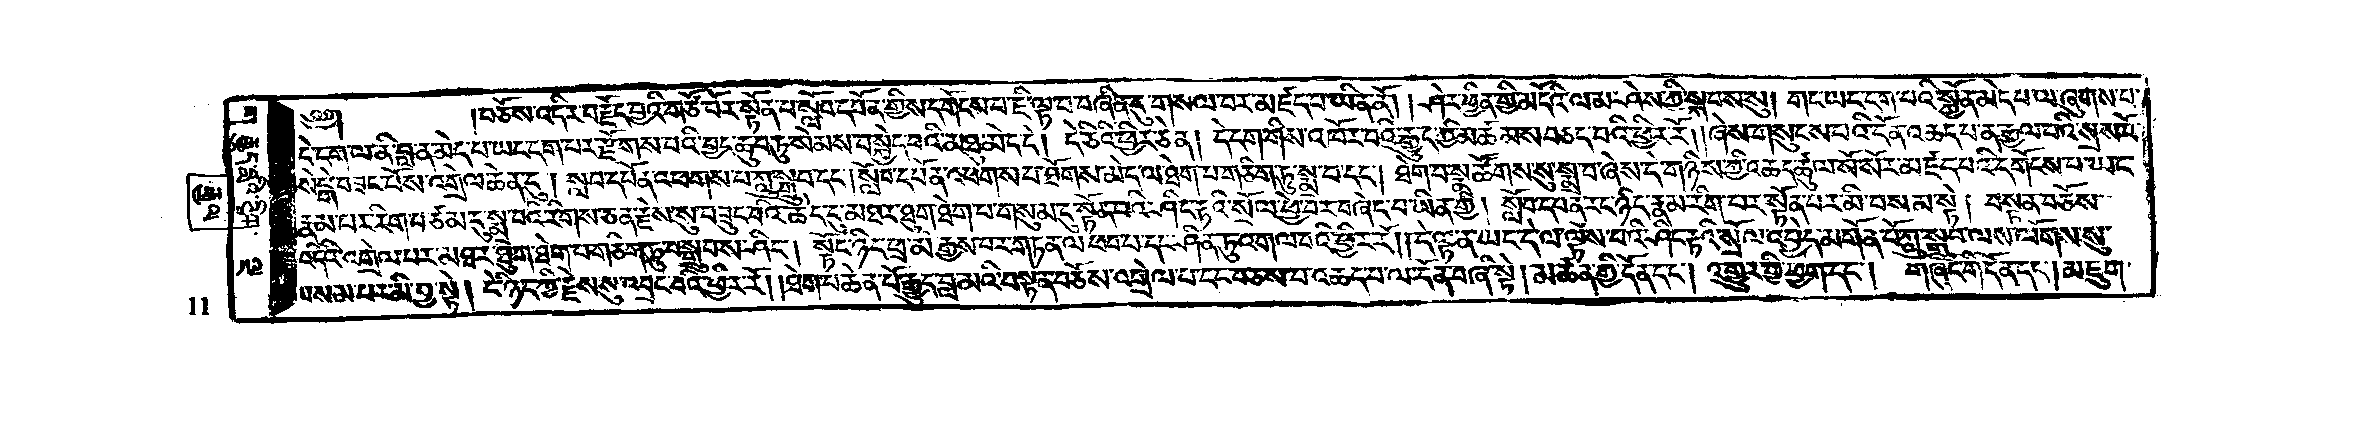༄༅། །བཅོས་འདིར་བརྗོད་བྱའི་གཙོ་བོར་སྟོན་པ་སློབ་དཔོན་གྱིས་དགོངས་པ་ཇི་ལྟ་བ་བཞིན་དུ་གསལ་བར་མཛད་པ་ཡིན་ནོ། །ཤེར་ཕྱིན་གྱི་མདོའི་ལམ་ཤེས་ཀྱི་སྐབས་སུ། གང་ཡང་དག་པའི་སྐྱོན་མེད་པ་ལ་ཞུགས་པ་
དེ་དག་ལ་ནི་བླ་ན་མེད་པ་ཡང་དག་པར་རྫོགས་པའི་བྱང་ཆུབ་ཏུ་སེམས་བསྐྱེད་པའི་མཐུ་མེད་དོ། དེ་ཅིའི་ཕྱིར་ཅེ་ན། དེ་དག་གིས་འཁོར་བའི་རྒྱུད་ཀྱི་མཚམས་བཅད་པའི་ཕྱིར་རོ། །ཞེས་གསུངས་པའི་དོན་འཆད་པ་ན་རྒྱལ་བའི་སྲས་པོ་
སེངགེ་བཟང་པོས་འགྲེལ་ཆེན་དུ། སློབ་དཔོན་འཕགས་པ་ཀླུ་སྒྲུབ་དང་། སློབ་དཔོན་འཕགས་པ་ཐོགས་མེད་ལ་ཐེག་པ་གཅིག་ཏུ་སྨྲ་བ་དང་། ཐེག་པ་སྣ་ཚོགས་སུ་སྨྲ་བ་ཞེས་དེ་གཉིས་ཀྱི་འཆད་ཚུལ་སོ་སོར་མཛད་པའི་དགོངས་པ་ཡང་
རྣམ་པར་རིག་པ་ཙམ་དུ་སྨྲ་བའི་རིགས་ཅན་རྗེས་སུ་བཟུང་བའི་ཆེད་དུ་མཐར་ཐུག་ཐེག་པ་གསུམ་དུ་སྟོན་པའི་ཤིང་རྟའི་སྲོལ་ཕྱེ་བར་བཞེད་པ་ཡིན་གྱི། སློབ་དཔོན་རང་ཉིད་རྣམ་རིག་པར་སྟོན་པར་མི་བསམ་སྟེ། བསྟན་བཅོས་
འདིའི་འགྲེལ་པར་མཐར་ཐུག་ཐེག་པ་གཅིག་ཏུ་བསྒྲུབས་ཤིང་། སྟོང་ཉིད་ཕྲ་མོ་རྒྱས་པར་གཏན་ལ་ཕབ་པ་དང་ཤིན་ཏུ་འགལ་བའི་ཕྱིར་རོ། །དེ་ལྟ་ན་ཡང་དེ་ལ་ལྟོས་པའི་ཤིང་རྟའི་སྲོལ་འབྱེད་མགོན་པོ་ཀླུ་སྒྲུབ་ལས་ལོགས་སུ་
བསམ་པར་མི་བྱ་སྟེ། དེ་ཉིད་ཀྱི་རྗེས་སུ་འབྲང་བའི་ཕྱིར་རོ། །ཐེག་པ་ཆེན་པོ་རྒྱུད་བླ་མའི་བསྟན་བཅོས་འགྲེལ་པ་དང་བཅས་པ་འཆད་པ་ལ་དོན་བཞི་སྟེ། མཚན་གྱི་དོན་དང་། འགྱུར་གྱི་ཕྱག་དང་། གཞུང་གི་དོན་དང་། མཇུག་